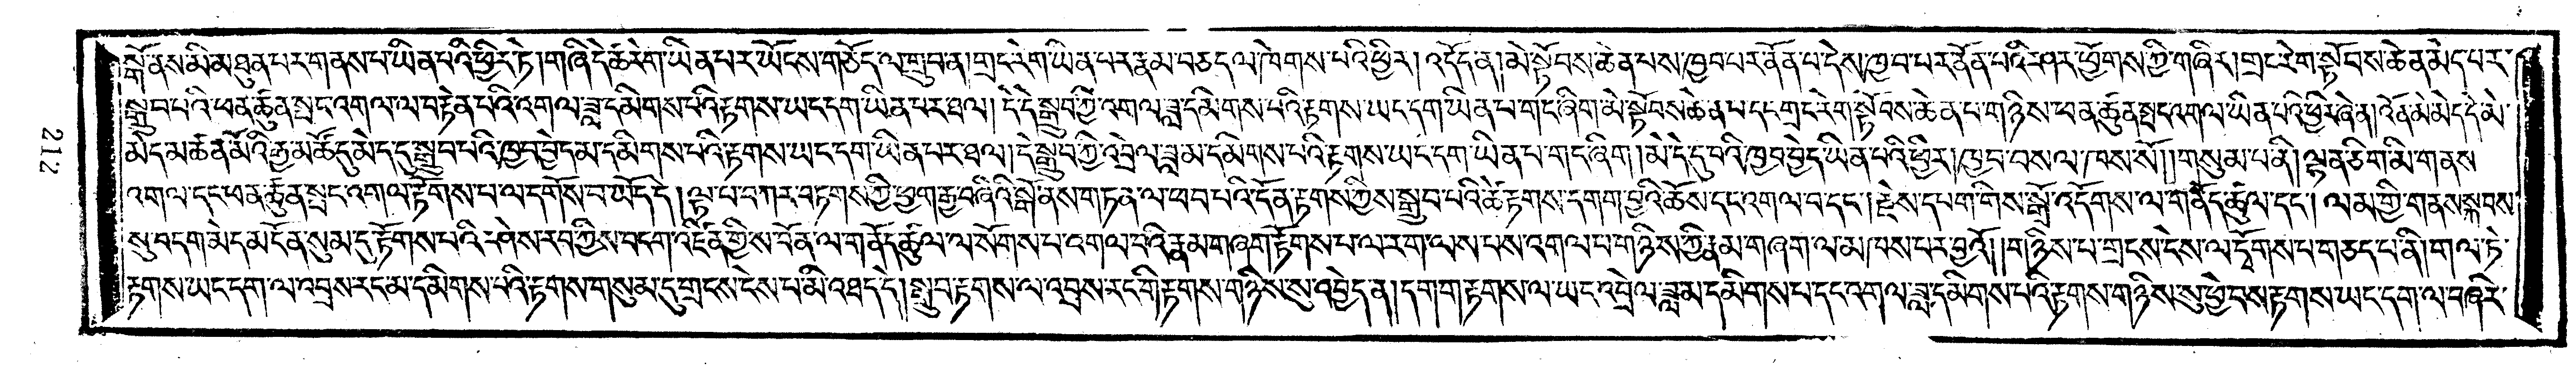སྒོ་ནས་མི་མཐུན་པར་གནས་པ་ཡིན་པའི་ཕྱིར་ཏེ། གཞི་དེ་ཚད་རེག་ཡིན་པར་ཡོངས་གཅོད་ལ་གྲུབ་ན། གྲང་རེག་ཡིན་པར་རྣམ་བཅད་ལ་ཁེགས་པའི་ཕྱིར། འདོད་ན། མེ་སྟོབས་ཆེན་པས་ཁྱབ་པར་ནོན་པ་དེས་ཁྱབ་པར་ནོན་པའི་ཤར་ཕྱོགས་ཀྱི་གཞིར། གྲང་རེག་སྟོབས་ཆེན་མེད་པར་
སྒྲུབ་པའི་ཕན་ཚུན་སྤང་འགལ་ལ་བརྟེན་པའི་འགལ་ཟླ་དམིགས་པའི་རྟགས་ཡང་དག་ཡིན་པར་ཐལ། དེ་དེ་སྒྲུབ་ཀྱི་འགལ་ཟླ་དམིགས་པའི་རྟགས་ཡང་དག་ཡིན་པ་གང་ཞིག་མེ་སྟོབས་ཆེན་པ་དང་གྲང་རེག་སྟོབས་ཆེན་པ་གཉིས་ཕན་ཚུན་སྤང་འགལ་ཡིན་པའི་ཕྱིར་ཞེ་ན། འོ་ན་མེ་མེད་དེ་མེ་
མེད་མཚན་མོའི་རྒྱ་མཚོ་དུ་མེད་དུ་སྒྲུབ་པའི་ཁྱབ་བྱེད་མ་དམིགས་པའི་རྟགས་ཡང་དག་ཡིན་པར་ཐལ། དེ་སྒྲུབ་ཀྱི་འབྲེལ་ཟླ་མ་དམིགས་པའི་རྟགས་ཡང་དག་ཡིན་པ་གང་ཞིག །མེ་དེ་དུ་བའི་ཁྱབ་བྱེད་ཡིན་པའི་ཕྱིར། ཁྱབ་བསལ་ཁས་སོ། །གསུམ་པ་ནི། ལྷན་ཅིག་མི་གནས་
འགལ་དང་ཕན་ཚུན་སྤང་འགལ་རྟོགས་པ་ལ་དགོས་པ་ཡོད་དེ། ལྟ་བ་བཀར་བཏགས་ཀྱི་ཕྱག་རྒྱ་བཞིའི་སྒོ་ནས་གཏན་ལ་ཕབ་པའི་དོན་རྟགས་ཀྱིས་སྒྲུབ་པའི་ཚེ་རྟགས་དགག་བྱའི་ཆོས་དང་འགལ་བ་དང་། རྗེས་དཔག་གིས་སྒྲོ་འདོགས་ལ་གནོད་ཚུལ་དང་། ལམ་གྱི་གནས་སྐབས་
སུ་བདག་མེད་མངོན་སུམ་དུ་རྟོགས་པའི་ཤེས་རབ་ཀྱིས་བདག་འཛིན་གྱི་ས་བོན་ལ་གནོད་ཚུལ་ལ་སོགས་པ་འགལ་བའི་རྣམ་གཞག་རྟོགས་པ་ལ་རག་ལས་པས་འགལ་བ་གཉིས་ཀྱི་རྣམ་གཞག་ལ་མཁས་པར་བྱའོ། །གཉིས་པ་གྲངས་ངེས་ལ་དྭོགས་པ་གཅད་པ་ནི། གལ་ཏེ་
རྟགས་ཡང་དག་ལ་འབྲས་རང་མ་དམིགས་པའི་རྟགས་གསུམ་དུ་གྲངས་ངེས་པ་མི་འཐད་དེ། སྒྲུབ་རྟགས་ལ་འབྲས་རང་གི་རྟགས་གཉིས་སུ་འབྱེད་ན། དགག་རྟགས་ལ་ཡང་འབྲེལ་ཟླ་མ་དམིགས་པ་དང་འགལ་ཟླ་དམིགས་པའི་རྟགས་གཉིས་སུ་ཕྱེ་བས་རྟགས་ཡང་དག་ལ་བཞིར་